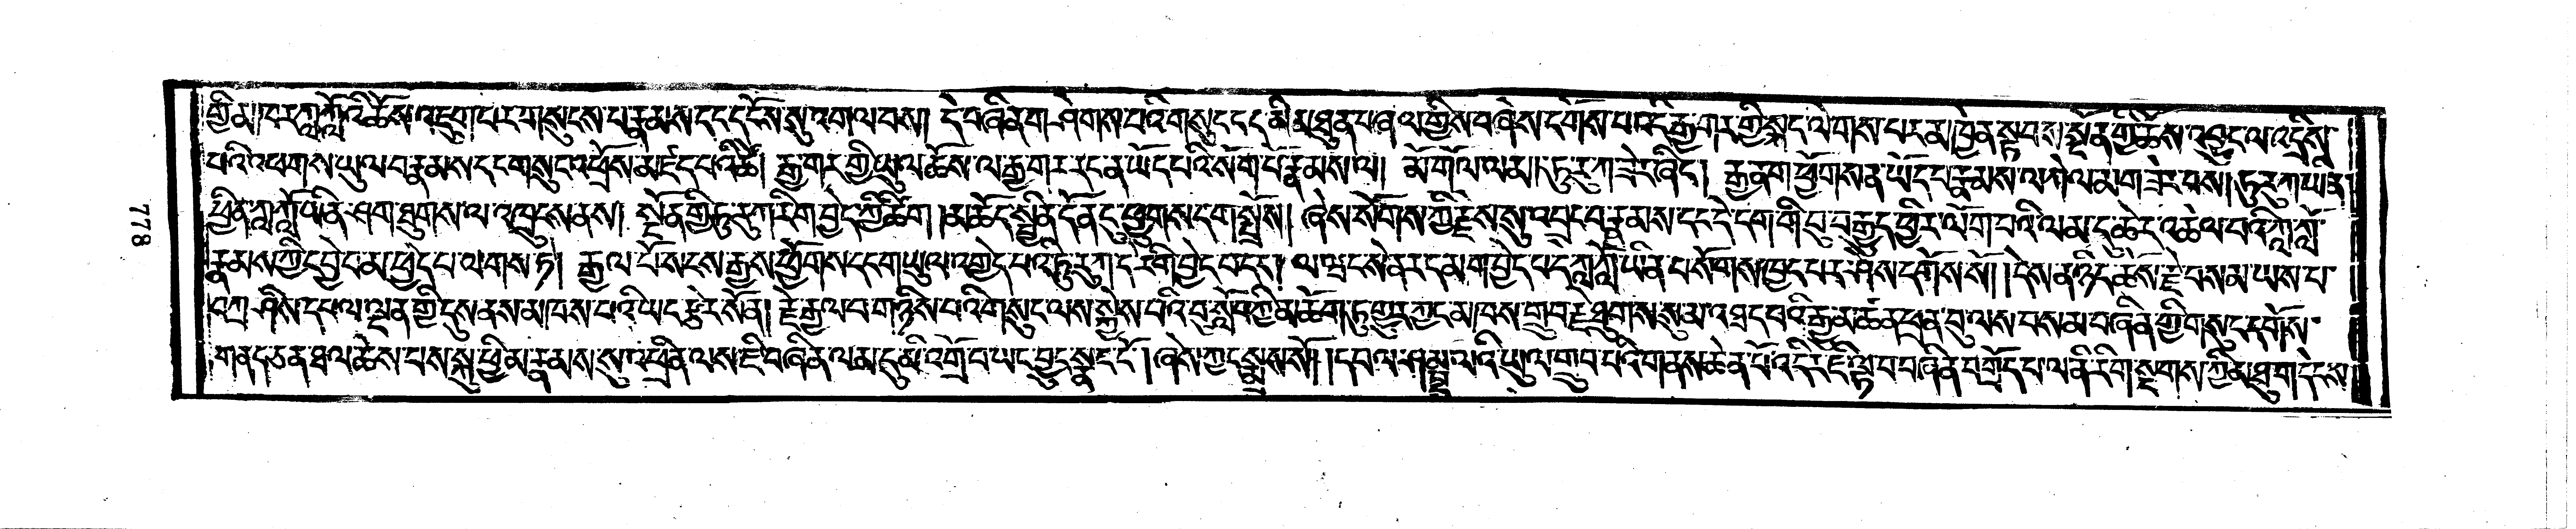གྱི་མཁར་ཀླ་ཀློའི་ཆོས་འཇུག་པར་གསུངས་པ་རྣམས་དང་དངོས་སུ་འགལ་བས། དེ་བཞིན་གཤེགས་པའི་གསུང་ངད་མི་མཐུན་པ་ཞལ་གྱིས་བཞེས་དགོས་པ་འདི་རྒྱ་གར་གྱི་སྐད་ལེགས་པར་མཁྱེན་སྟབས་སྔོན་གྱི་ཆོས་འབྱུང་ལ་འདྲིས་
པའི་འཕགས་ཡུལ་བ་རྣམས་དང་གསུང་འཕྲོས་མཛད་པའི་ཚེ། རྒྱ་གར་གྱི་ཡུལ་ཆོས་ལ་རྒྱ་གར་རང་ན་ཡོད་པའི་སོག་པོ་རྣམས་ལ། མོ་གོལ་ལམ། ཏུ་རུ་ཀ་ཟེར་ཞིང་། རྒྱ་ནག་ཕྱོགས་ན་ཡོད་པ་རྣམས་ལ་ཀེལ་མག་ཟེར་བས། ཏུ་རུ་ཀ་ཡིན་
ཕྱིན་ཀླ་ཀློ་ཡིན་ཤག་ཐུགས་ལ་འཁྲུངས་ནས། སྔོན་གྱི་ཏུ་རུ་ཀ་རིག་བྱེ་ཀྱི་ཚིག་མཆོད་སྦྱིན་དོན་དུ་ཕྱུང་དག་སྤྲོས། ཞེས་སོགས་ཀྱི་རྗེས་སུ་འབྲང་བ་རྣམས་དང་དེ་དག་གི་བུ་བརྒྱུད་ཕྱིར་ལོག་བའི་ལམ་དུ་ཆེར་འཆེལ་བའི་ཀླ་ཀློ་
རྣམས་ཀྱི་དབྱེ་བ་མ་ཕྱེད་པ་ལགས་ཏེ། རྒྱལ་པོ་སངས་རྒྱས་ཕྱོགས་དང་གཡུལ་འགྱེད་པའི་ཏུ་རུ་ཀ་དེ་རིག་བྱེད་པ་དང་། ལ་ཝང་སེ་ནར་དམག་བྱེད་པ་དེ་ཀླ་ཀློ་ཡིན་པ་སོགས་ཁྱད་པར་ཤེས་དགོས་སོ། །དེས་ན་ཉིད་ཆོས་རྗེ་བསམ་ཡས་པ་
བཀྲ་ཤིས་དཔལ་ལྡན་གྱི་དུས་ནས་མཁས་པའི་ཡང་རྩེར་སོན། རྗེ་རྒྱལ་བ་གཉིས་པའི་གསུང་ལས་སྐྱེས་པའི་བུ་སློབ་ཀྱི་མཆོག་ཏུ་གྱུར་ཀྱང་མཁས་གྲུབ་རྗེ་ཐུགས་སུ་མ་འཐད་པའི་རྒྱུ་མཚན་ཕྲན་བུ་ལས་བསམ་བཞིན་གྱི་གསུང་དགོས་
གནད་ཅན་ཐལ་ཆེས་པས་སྐུ་ཕྱི་མ་རྣམས་སུ་འཕྲིན་ལས་ཇི་བཞིན་ལམ་དུ་མི་འགྲོ་བ་ཡང་བྱུང་སྣང་ངོ། ཞེས་ཀྱང་སྨྲས་སོ། །དཔལ་ཤམྦྷ་ལའི་ཡུལ་གྲུབ་པའི་གནས་ཆེན་པོ་འདིར་ཇི་ལྟ་བ་བཞིན་བགྲོད་པ་ལ་ནི་རིག་སྔགས་ཀྱི་མཐུ་ག་དེངས་